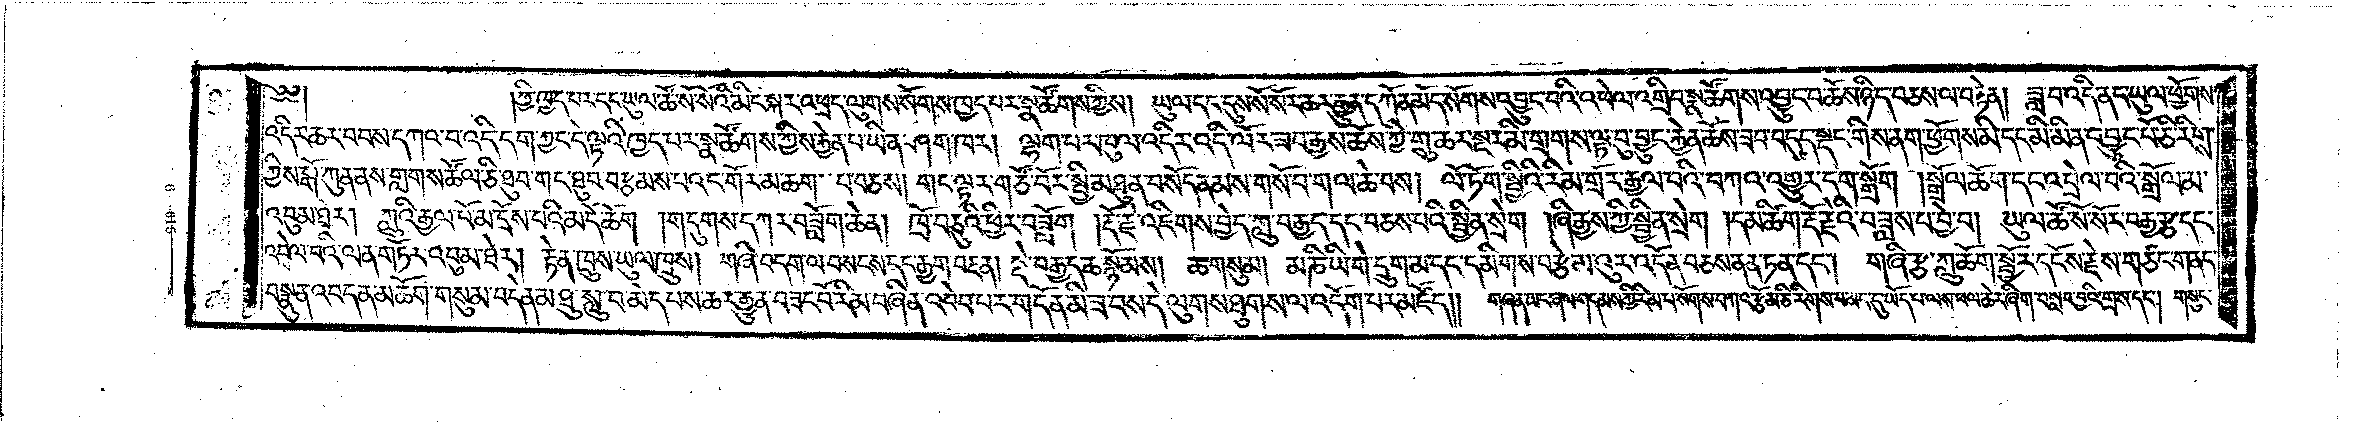༄༅། །ཀྱི་ཁྱད་པར་དང་ཡུལ་ཚོ་སོ་སོའི་མིང་སྐར་འཕྲད་ལུགས་སོགས་ཁྱད་པར་སྣ་ཚོགས་ཀྱིས། ཡུལ་དང་དུས་སོ་སོར་ཆར་རྒྱུན་དཀོན་མོད་སོགས་འབྱུང་བའི་འཕེལ་འགྲིབ་སྣ་ཚོགས་འབྱུང་བ་ཆོས་ཉིད་བཅས་ལ་བརྟེན། ཟླ་བ་འདི་ནང་ཡུལ་ཕྱོགས་
འདིར་ཆར་བབས་དཀའ་བ་འདི་དག་ཀྱང་དེ་ལྟའི་ཁྱད་པར་སྣ་ཚོགས་ཀྱིས་རྐྱེན་པ་ཡིན་ཤག་ཁར། ལྷག་པར་ཁུལ་འདིར་འདི་ལོར་ཟབ་རྒྱས་ཆོས་ཀྱི་གྲུ་ཆར་སྔར་མི་གྲགས་ལྟ་བུ་བྱུང་རྐྱེན་ཆོས་ཟབ་བདུད་སྡང་གིས་ནག་ཕྱོགས་མི་དང་མི་མིན་འབྱུང་པོ་ཅི་རིགས་
ཀྱིས་སྒོ་ཀུན་ནས་གླགས་ཚོལ་ཅི་ཐུབ་གང་ཐུབ་བརྩམས་པའང་གོར་མ་ཆག་པ་བཅས། གང་ལྟར་གཙོ་བོར་སྦྱི་མཐུན་བསོད་ནམས་གསོ་བ་གལ་ཆེ་བས། ལོ་ཏོག་སྤྱིའི་རིམ་གྲོར་རྒྱལ་བའི་བཀའ་འགྱུར་དག་སྒྲོག །སྒྲོལ་ཆོག་དང་འབྲེལ་བའི་སྒྲོལ་མ་
འབུམ་ཐེར། ཀླུའི་རྒྱལ་པོ་མ་དྲོས་པའི་མདོ་ཆོག །གདུགས་དཀར་བཟློག་ཆེན། ཁྲོ་བཅུའི་ཕྱིར་བཟློག །རྡོ་རྗེ་འཇིགས་བྱེད་ཀླུ་བརྒྱད་དང་བཅས་པའི་སྦྱིན་སྲེག །ཞི་རྒྱས་ཀྱི་སྦྱིན་སྲེག །དམ་ཚིག་རྡོ་རྗེའི་བཟླས་པ་བྱེ་བ། ཡུལ་ཚོ་སོ་སོར་བརྒྱ་རྩ་དང་
འབྲེལ་བའི་ལན་གཏོར་འབུམ་ཐེར། རྟེན་ཁྲུས་ཡུལ་ཁྲུས། གཞི་བདག་ལ་བསངས་དང་རྒྱག་བརྔན། སྡེ་བརྒྱད་ཆ་སྙོམས། ཆ་གསུམ། མཎི་ཡི་གེ་དྲུག་མ་དང་དམིགས་བརྩེམ་འུར་འདོན་བཅས་ནན་ཏན་དང་། གཞི་རྩ་ཀླུ་ཆོག་སྦྱོར་དངོས་རྗེས་གཙང་གནང་
བསྣུན་འབད་མཆོག་གསུམ་བདེན་མཐུ་སླུ་བ་མེད་པས་ཆར་རྒྱུན་བཟང་བོ་རིམ་བཞིན་འབེབ་པར་གདོན་མི་ཟ་བས་དེ་ལུགས་ཐུགས་ལ་འདོག་པར་མཛོད།། གཞན་ཡང་ཞལ་གདམས་ཀྱི་རིམ་པ་སོགས་བཀའ་རྩོམ་ཅི་རིགས་བ་མང་དུ་ཡོད་པ་ལས་ཕལ་ཆེར་ཞིག་བསླབ་བྱའི་གྲས་དང་། གསུང་